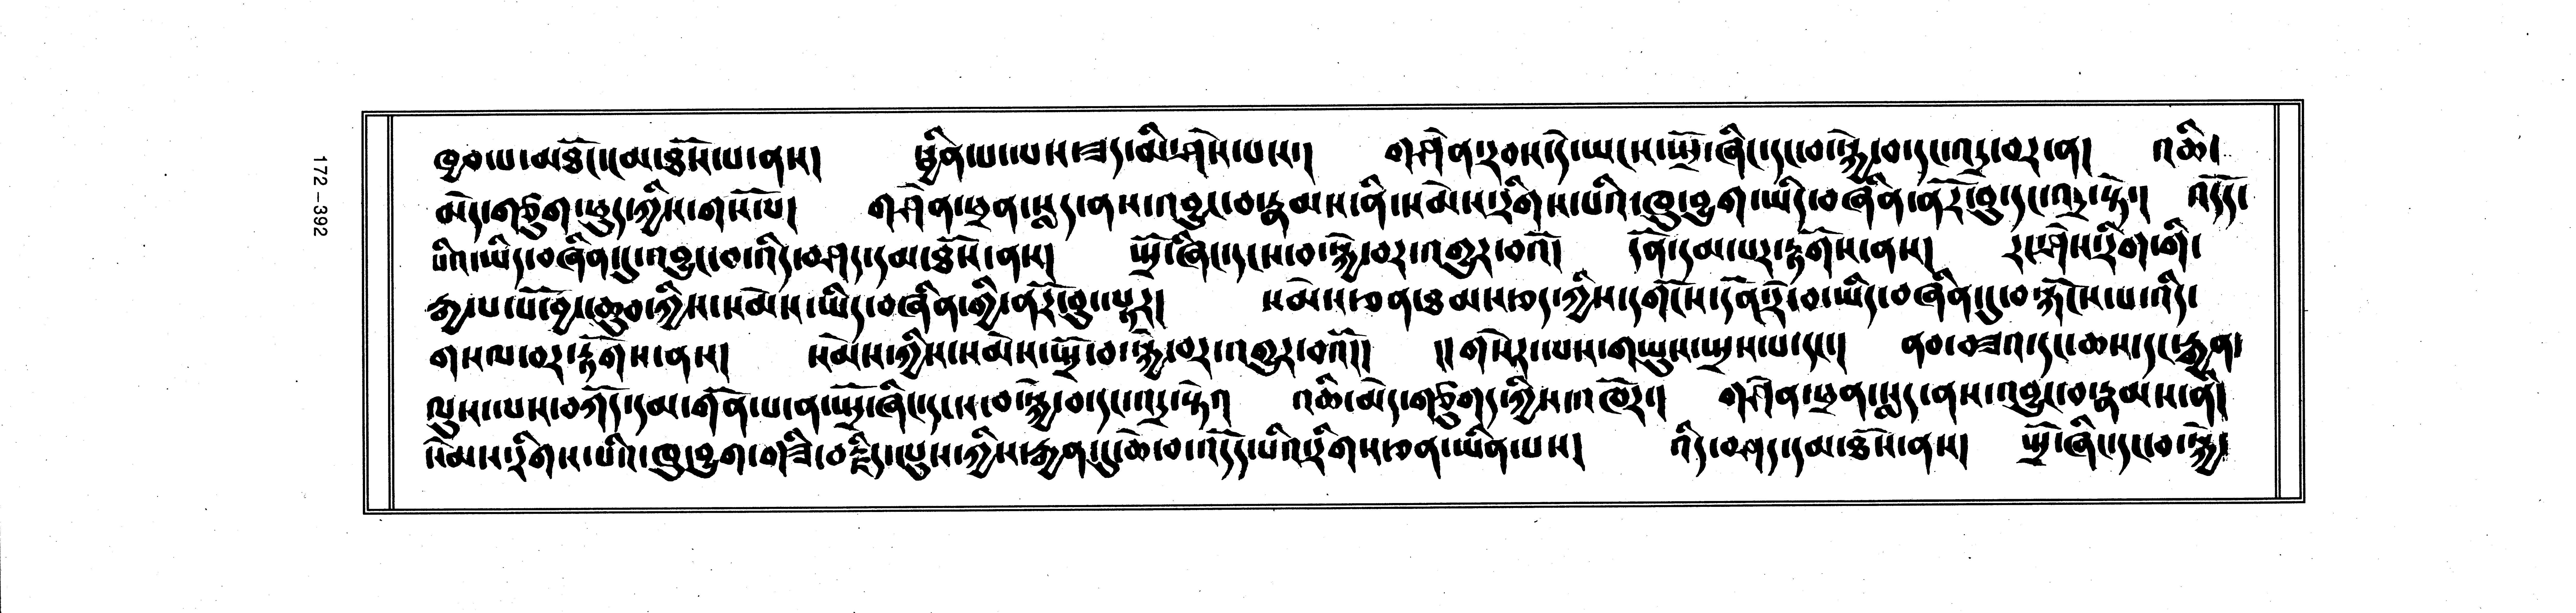ཁྱབ་པ་མཐོང་ངམ་ཐོས་པ་ནས། སྦྱིན་པ་ལས་ཟད་མི་ཤེས་པས། གཤེན་རབ་དེ་ཡང་སྤྲོ་ཞིང་དྭངས་བ་སྐྱེ་བ་དང་འདྲ་བར་ན། འཆི་
མེད་གཙུག་ཕུད་ཀྱིས་གསོལ། གཤེན་ཕྲན་སླད་ནས་འབྱུང་བ་རྣམས་ནི་སེམས་རིག་པའི་ཁུ་བྱུག་ཡིད་བཞིན་ནོར་བུ་དང་འདྲ་སྟེ། འདོད་
པའི་ཡིད་བཞིན་དུ་འབྱུང་བ་འདི་བཤད་དམ་ཐོས་ནས། སྤྲོ་ཞིང་དྭངས་བ་སྐྱེ་བར་འགྱུར་བའོ། དོན་དམ་པར་རྟོགས་ནས། རང་ཤེས་རིག་གི་
རྒྱལ་པོ་བྱང་ཆུབ་ཀྱིས་སེམས་ཡིད་བཞིན་གྱི་ནོར་བུ་ལྟར། སེམས་ཅན་ཐམས་ཅད་ཀྱིས་དགོངས་དོན་རེ་བ་ཡིད་བཞིན་དུ་བསྐངས་པ་འདི་
གསལ་བར་རྟོགས་ནས། སེམས་ཀྱིས་སེམས་སྤྲོ་བ་སྐྱེ་བར་འགྱུར་བའོ། གསེར་ལས་གཡུས་སྤྲས་པ་དང་། ན་བཟའ་དང་ཆས་དང་རྒྱན་
ལུས་ལས་བཀོད་དམ་གོན་པ་ན་སྤྲོ་ཞིང་དྭངས་བ་སྐྱེ་བ་ད་འདྲ་སྟེ། འཆི་མེད་གཙུག་ཕུད་ཀྱིས་འཁོར། གཤེན་ཕྲན་སླད་ནས་འབྱུང་བ་རྣམས་ནི། 
སེམས་རིག་པའི་ཁུ་བྱུག་གཟི་བརྗིད་ལུས་ཀྱིས་རྒྱན་དུ་ཆེ་བ་འདོད་པའི་རིགས་ཅན་ཡིན་པས། འདི་བཤད་དམ་ཐོས་ནས། སྤྲོ་ཞིང་དྭངས་བ་སྐྱེ་